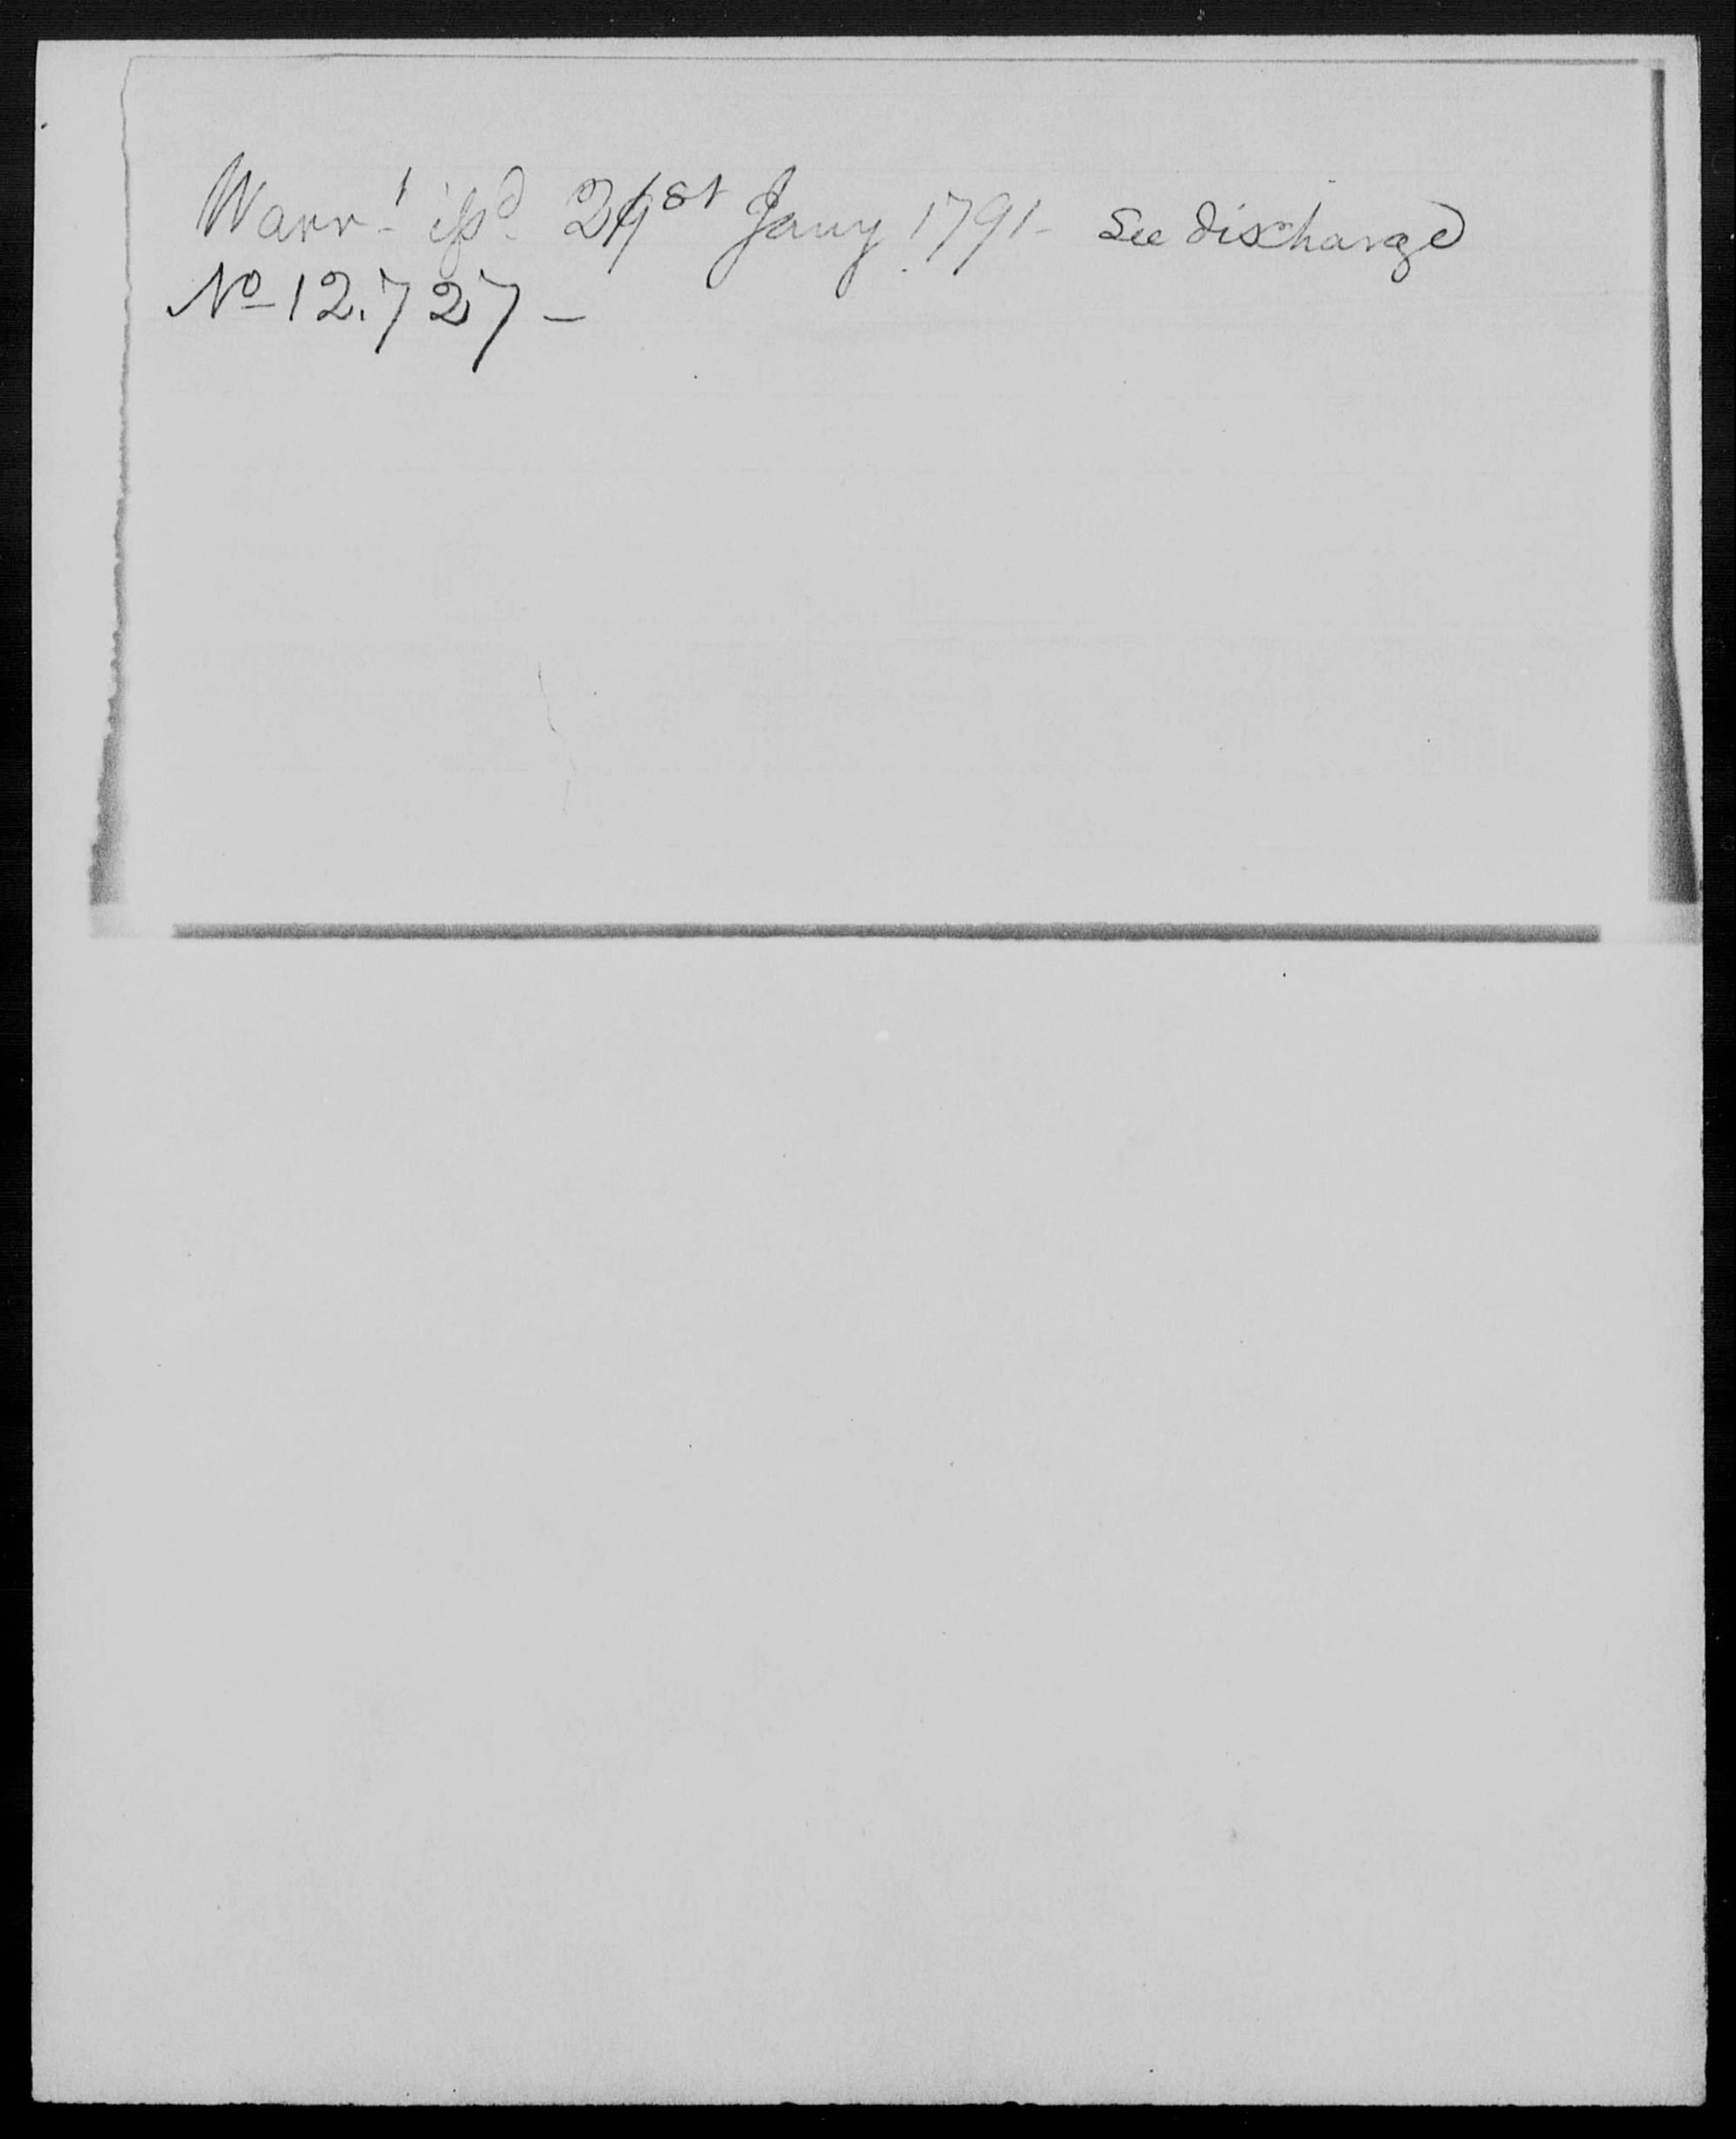Warr issd [issued] 21st Jany 1791- See discharge 
No 12.727-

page: 32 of 39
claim: widow's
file: W. 2,056, Squire Ambler, Continental (Sol. Res. In N.Y. & Conn.)